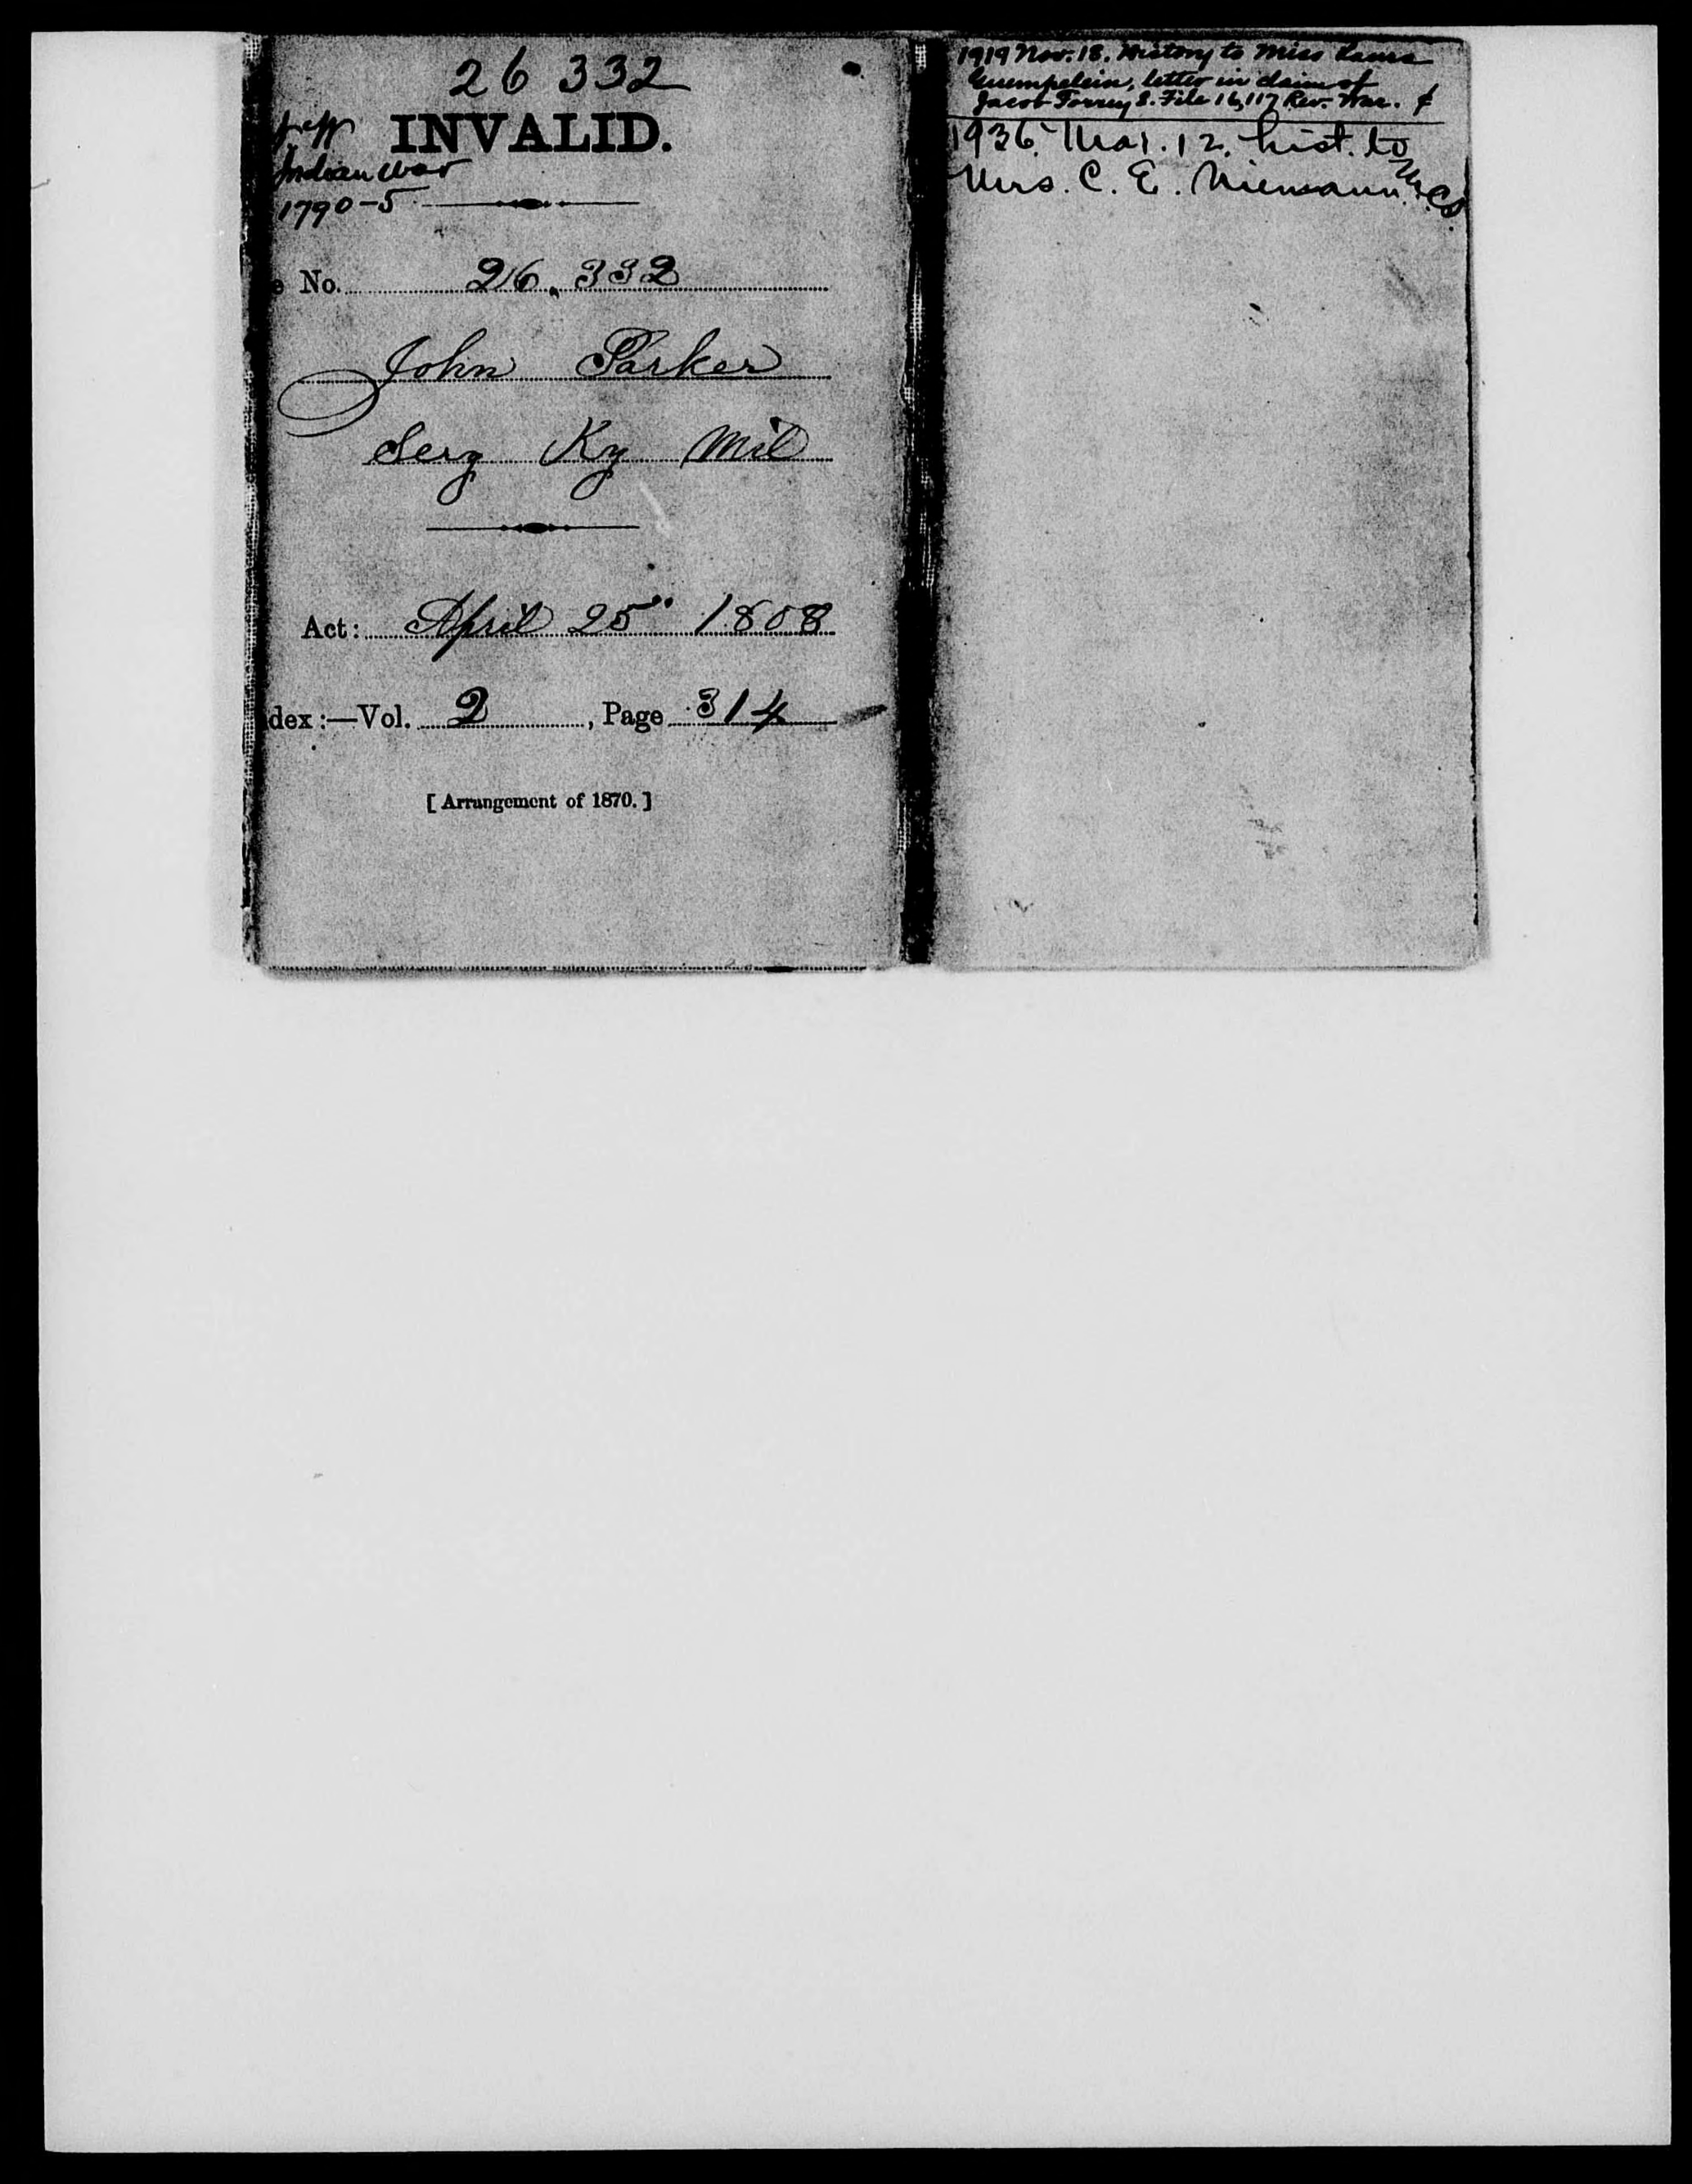26332
INVALID.
IN
Indian War
1790-5

No. 26,332

John Parker

Serg Ky Mil

Act: April 25 1808

Index:--Vol. 2, Page 314

[Arrangement of 1870.]

1919 Nov. 18 History to Miss Laura Guempelein, letter in daim of Jacob Forrey 8. File 16,117 Rev. time.
1936 that 12. hist. to Mrs. C. E. Niemann.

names: C E Niemann; Jacob Forrey; Laura Guempelein; John Parker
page: 14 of 21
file: Old War Inv. File 26332, for John Parker, Other